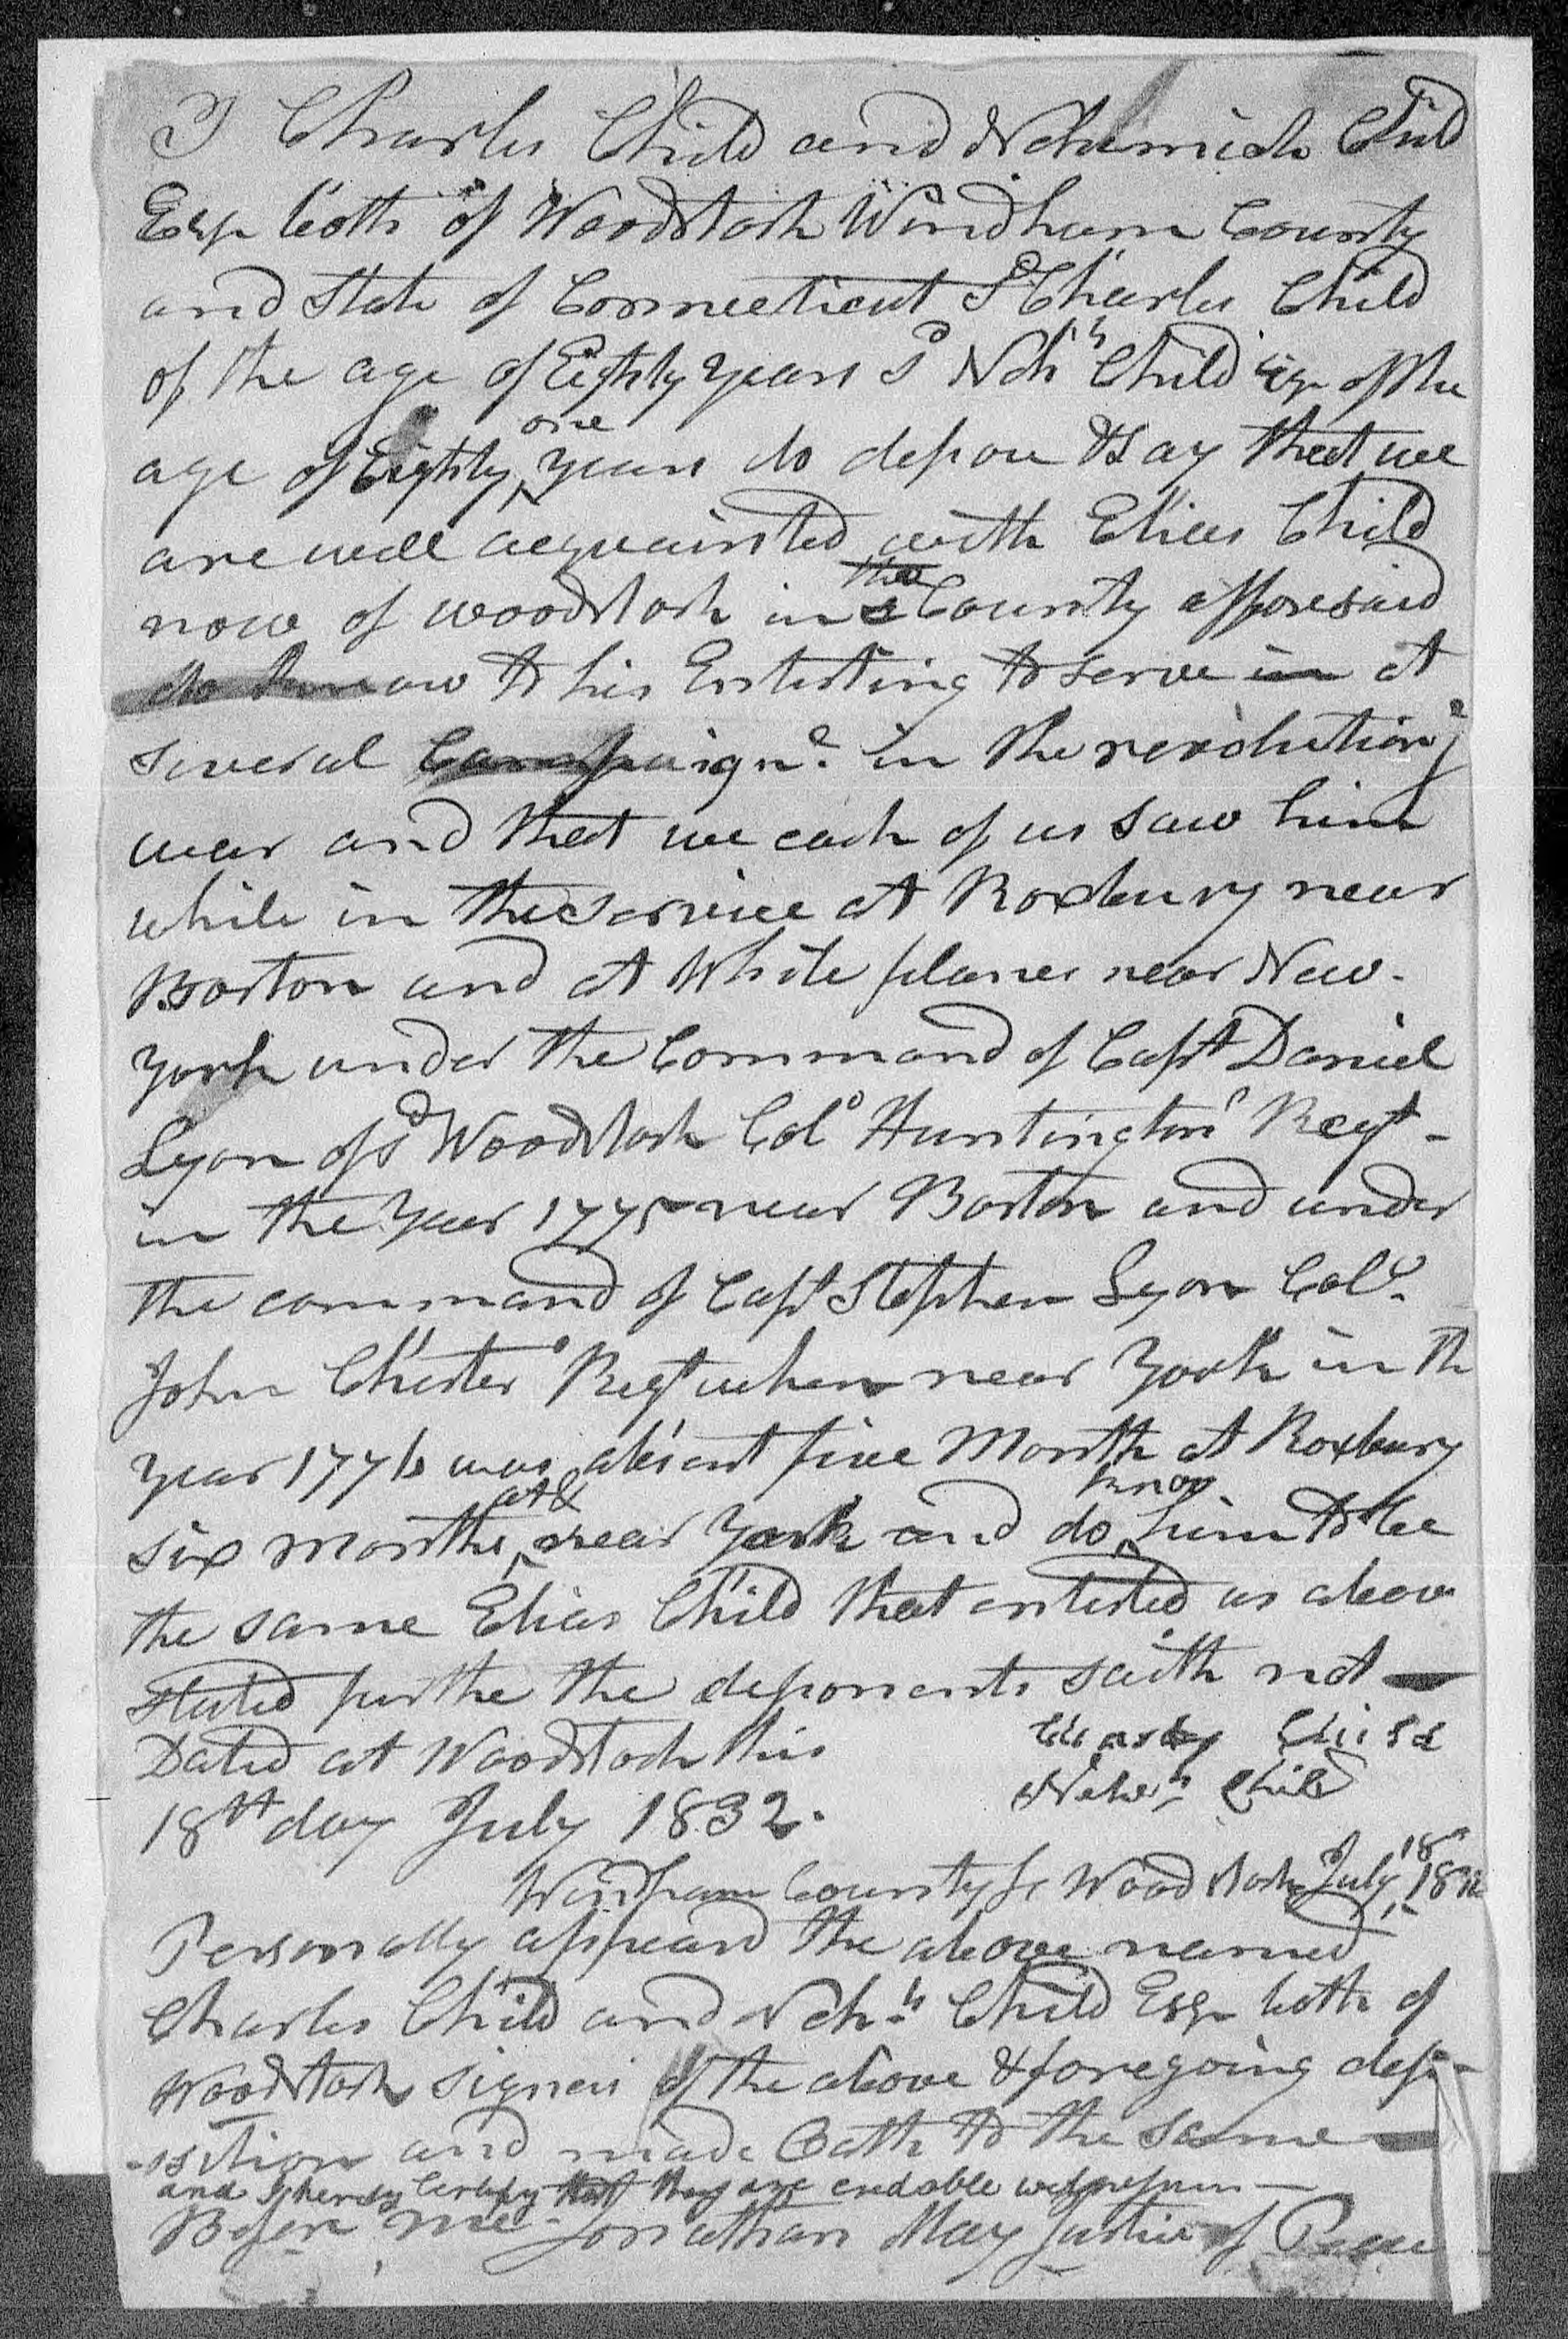I Charles Child and Nehemiah Child Esq both of Woodsloch Windham County and State of Connecticut. I Charles Child of the age of eighty years and Nehemiah Child Esq of the age of Eighty one years do depose and say that we are well acquainted with Elias Child now of Woodsloch in the County aforesaid. No aforesaid & his enlisting & service at several campaigns in the revolutionary war and that we each of us saw him while in the service at Roxbury near Boston and at White Plaines near New York under the command of Capt Daniel Lyon of Woodsloch Col Huntington Regt in the year 1775 near Boston and the command of Capt Stephen Lyon Col John Chester Regt when near Boston in the year 1776 was a lieutenant five month at Roxbury six months at & near York and do know him to be the same Elias Child that entered us above stated further the deponents saith not dated at Woodsloch this 18th day July 1832.
Willard Child
Nehemiah Child
Windham County & Woodsloch July 18 1832
Personally appear the above named Charles Child and Nehemiah Child Esq both of Woodsloch signed of the above & foregoing deposition and made both to the same and hereby certify that they are credible witnesses before me. Jonathon May Justice of Peace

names: Neheh Child, Stephen Lyon, Nehemiah Child, Charles Child, Jonathan May, Nehh Child, Charles Child, Charles Child, Elias Child, Elias Child, Daniel Lyon, Elias Child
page: 6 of 34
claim: survivor's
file: S. 31,605, Elias Child, Conn.